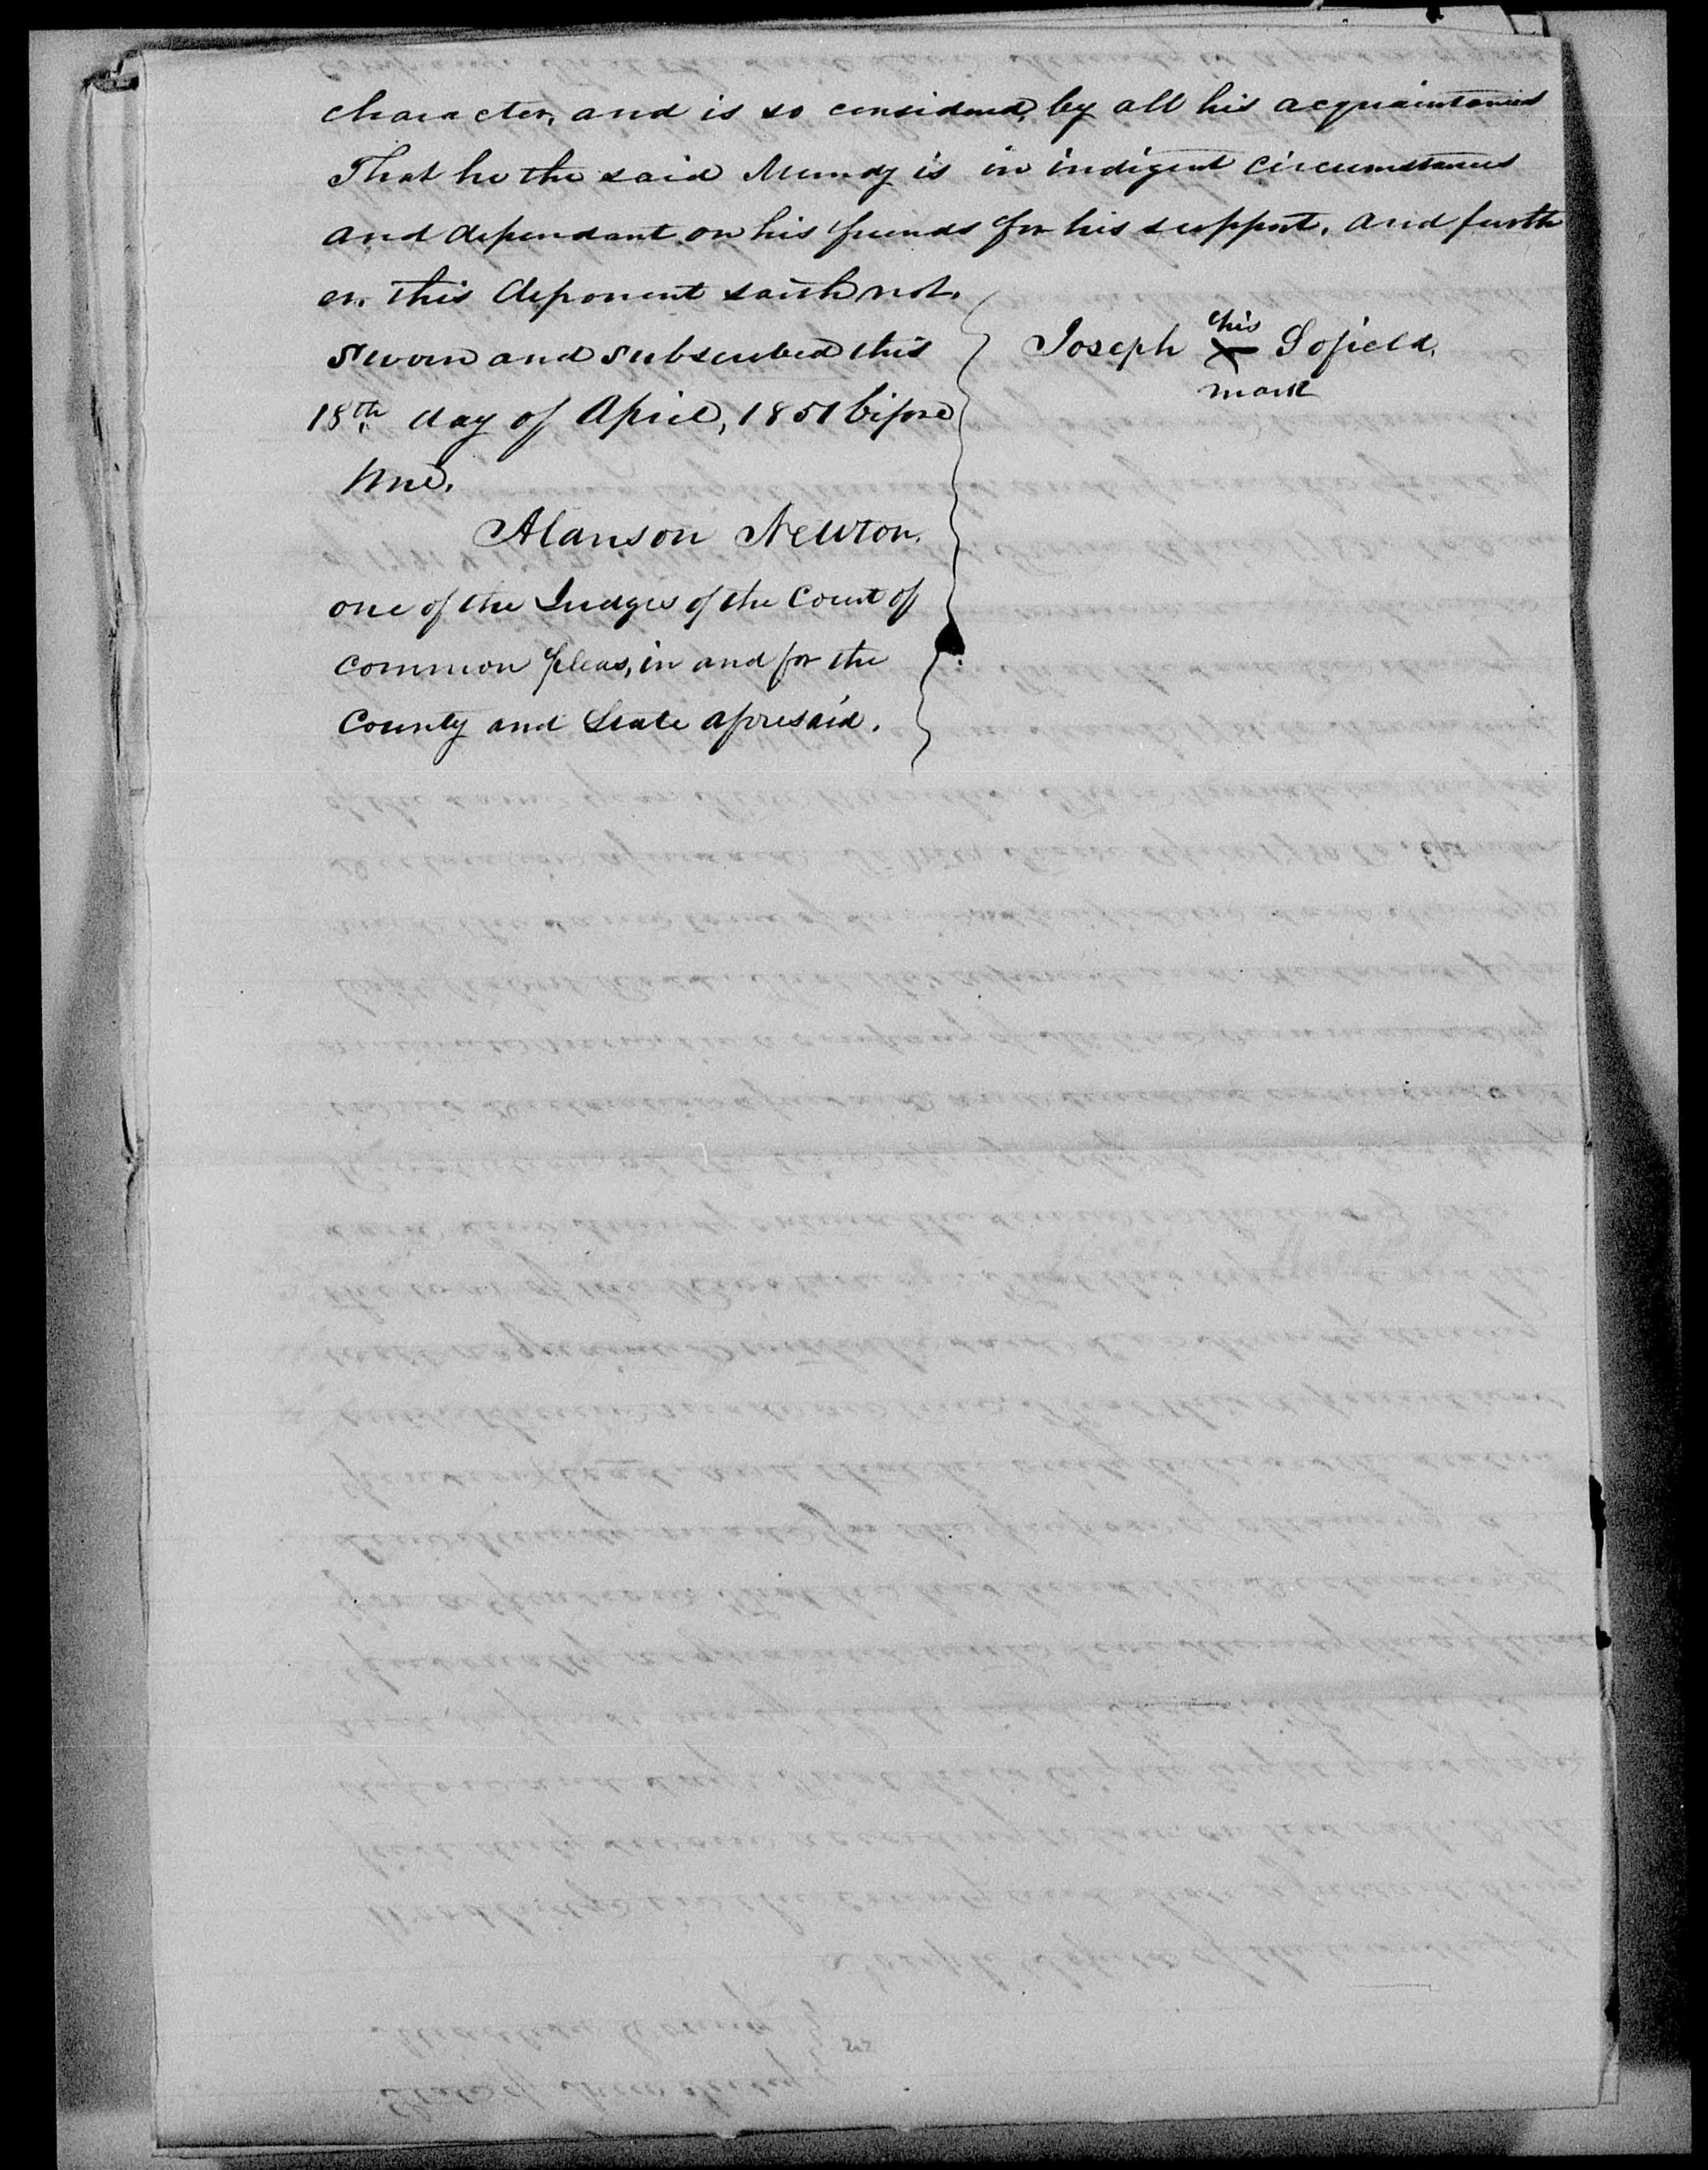...character, and is so considered by all his acquaintances. That he, the said Mundy, is in indigent circumstances and dependent on his friends for his support, and further this deponent saith not.
s/ Joseph Sofield (X - his mark)

Sworn and subscribed this 18th day of April, 1851 before me.
s/ Alanson Newton, one of the Judges of the Court of Common Pleas in and for the County and State aforesaid.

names: [BLANK] Mundy; Joseph Sofield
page: 7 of 95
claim: survivor's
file: S 2889, for Levi Mundy, New Jersey